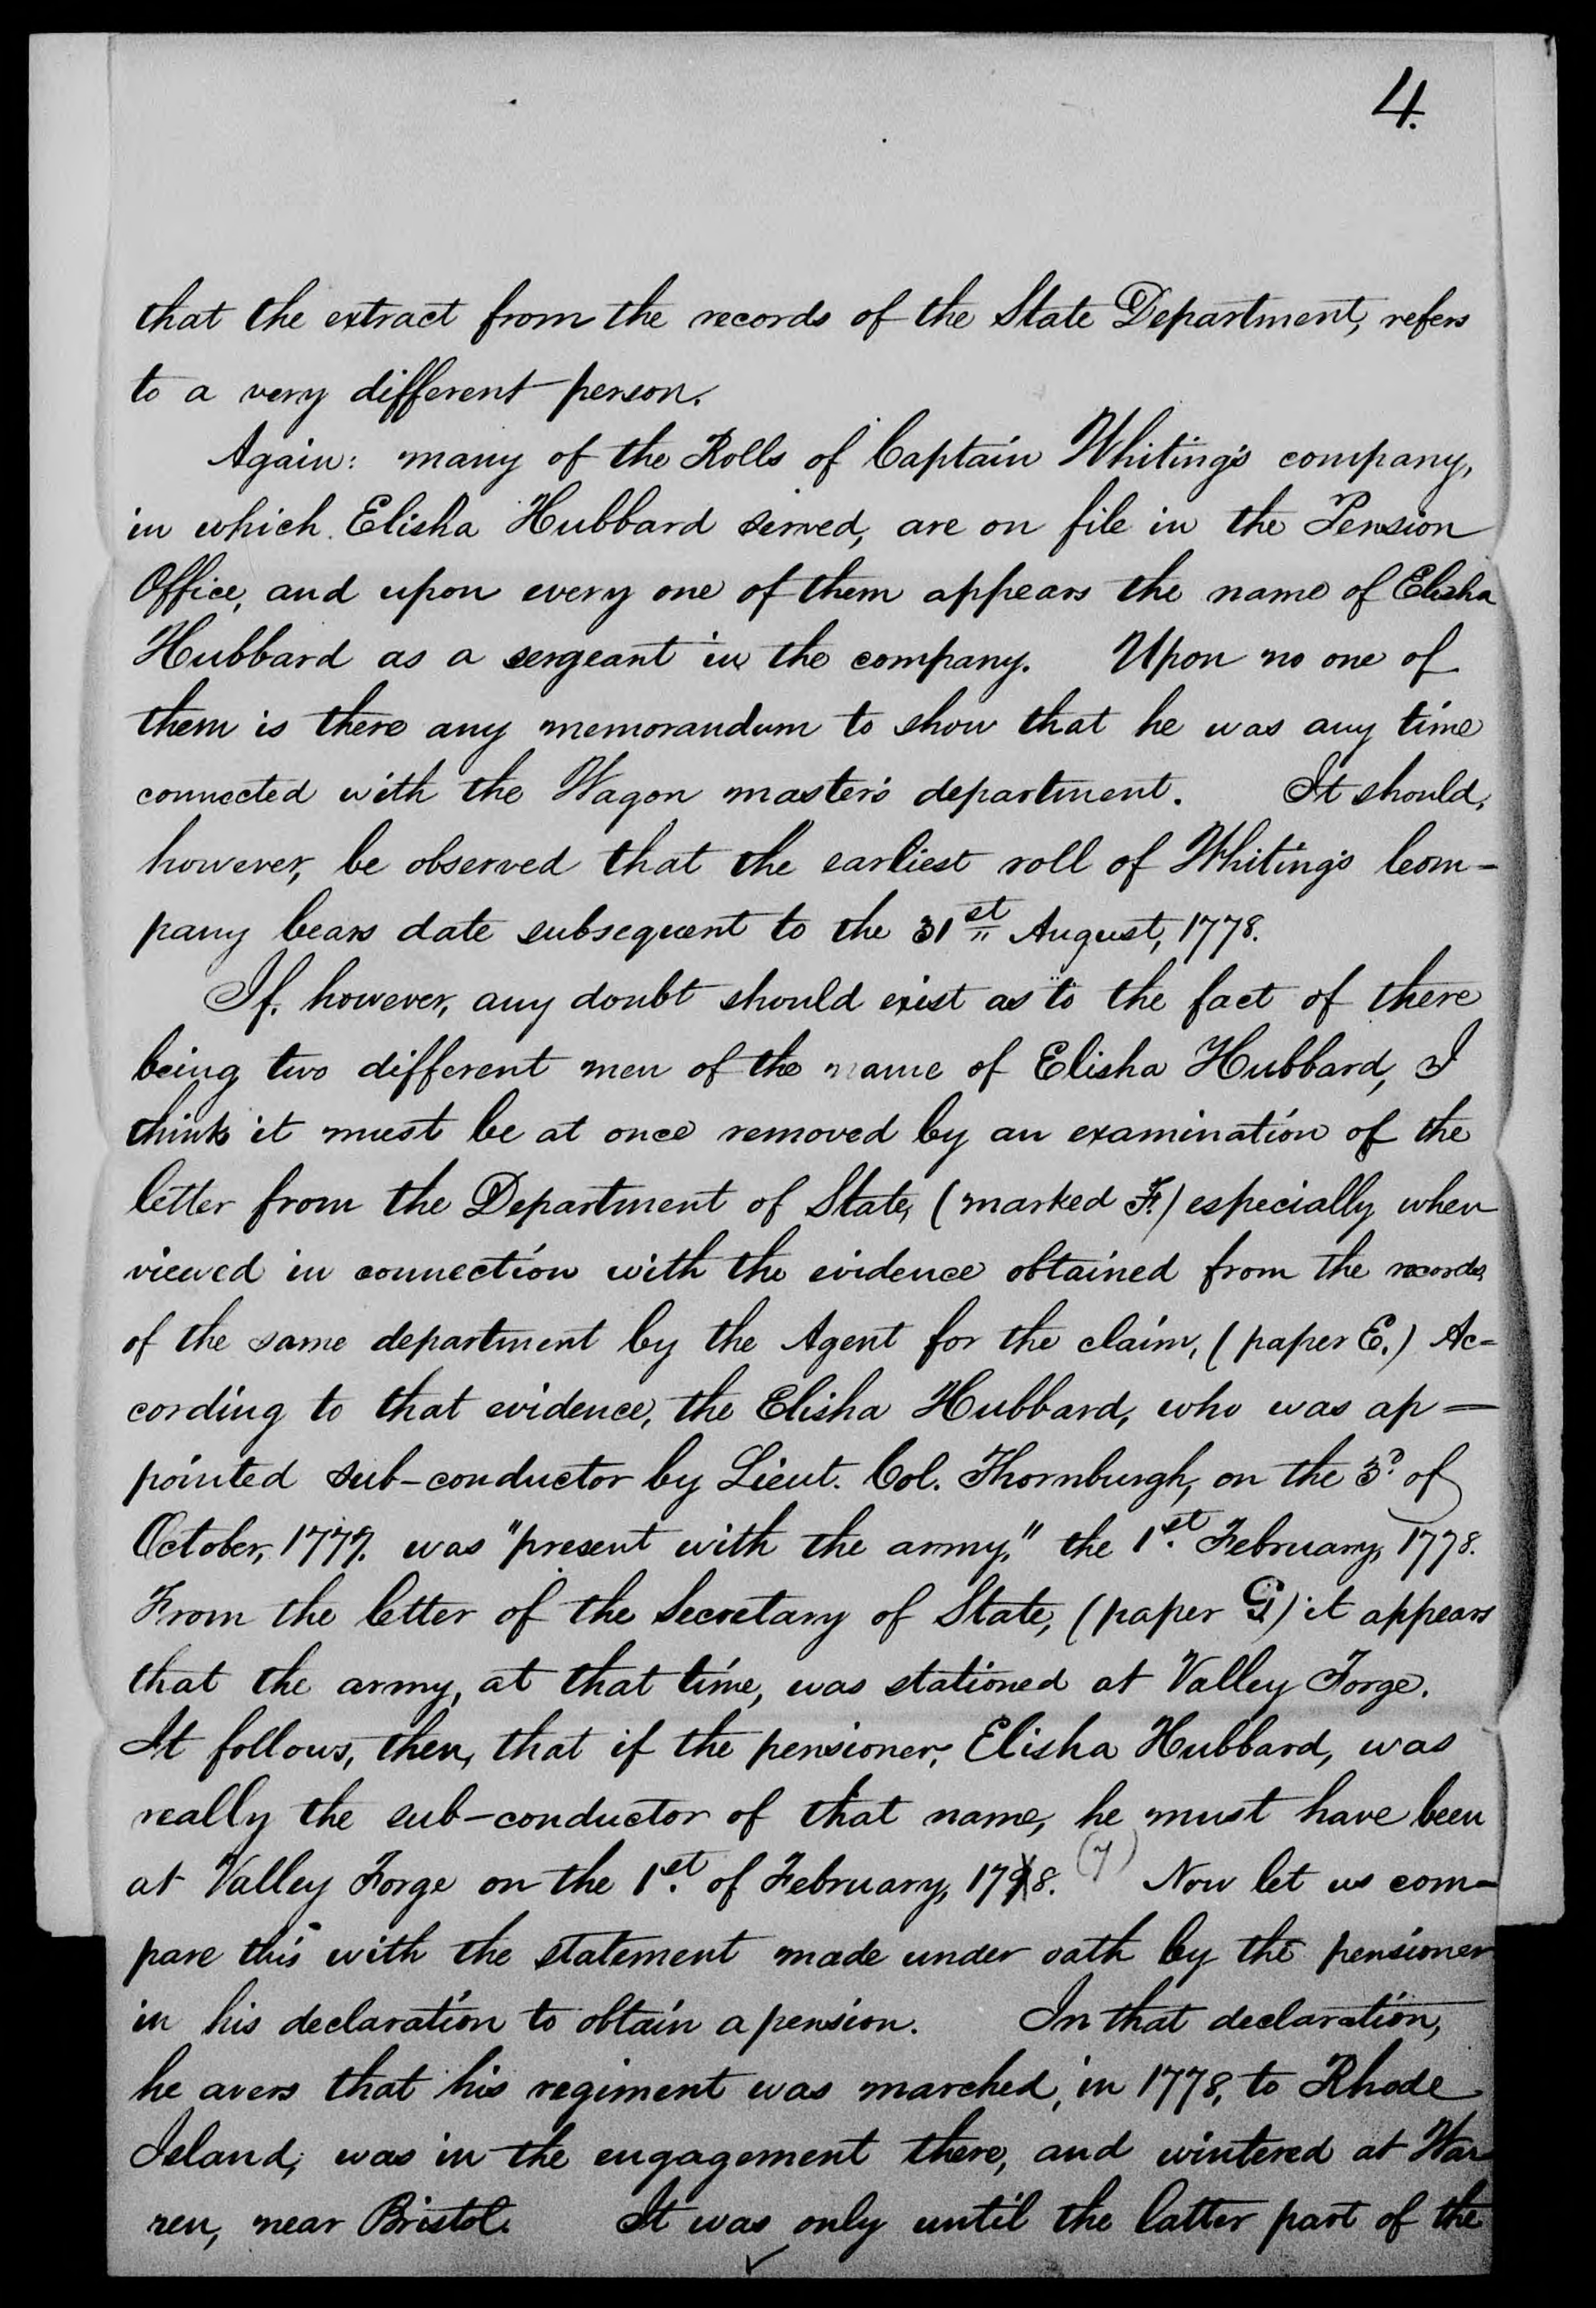that the extract from the records of the State Department, refers to a very different person.

Again:  many of the Rolls of Captain Whiting's company, in which. Elisha Hubbbard served, are on file in the Pension Office, and upon every one of them appears the name of Elisha Hubbard as a sergeant in the company.  Upon no one of them is there any memorandum to show that he was any time connected with the Wagon masters department.  It should, however, be observed that the earliest roll of Whiting's company bears date subsequent to the 31st August, 1778.

If, however, any doubt should exist as to the fact of there being two different men of the name of Elisha Hubbard, I think it must be at once removed by an examination of the letter from the Department of State, (marked F)  According to that evidence, the Elisha Hubbard, who was appointed sub-conductor by Lieut Col. Thornburgh, on the 3rd of October, 1777. was 'present with the army," the 1st. February 1778.  From the letter of the Secretary of State, (paper G) it appears that the army, at that time, was stationed at Valley Forge.  It follows, then, that if the pensioner, Elisha Hubbard, was really the sub-conductor of that name, he must have been at Vally Forge on the 1st. of February, 1778. Now let us compare this with the statement made under oath by the pensioner in his declaration to obtain a pension.  In that declaration, he avers that his regiment was marched, in 1778, to Rhode Island, was in the engagement there, and wintered at Warren, near Bristol.  It was only until the latter part of the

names: Elisha Hubbard, Thornburgh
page: 51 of 63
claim: survivor's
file: S. 18457, Elisha Hubbard, Conn. Continental